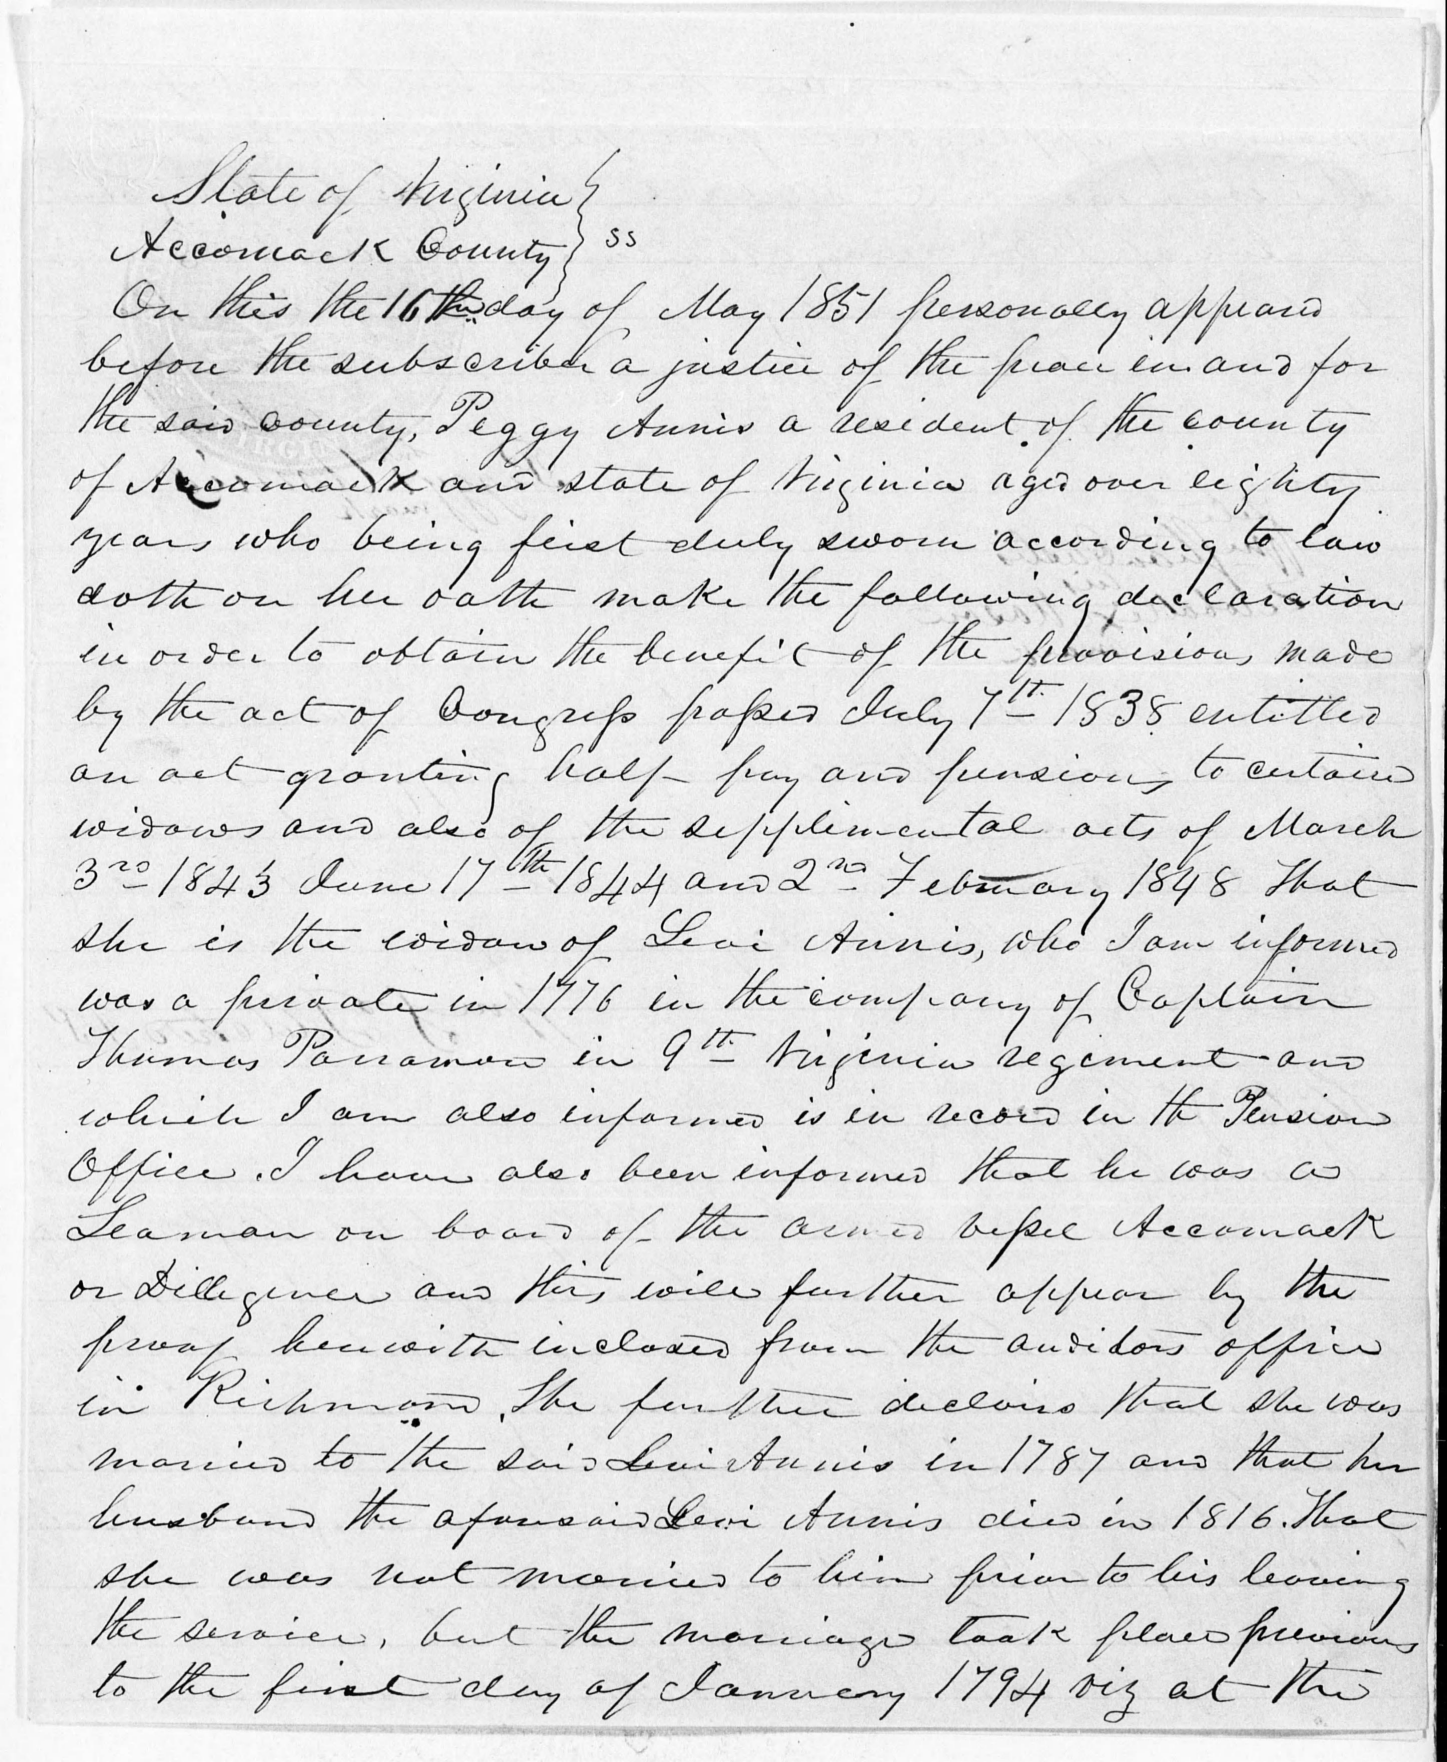State of Virginia}
Accomack County } SS
On this the 16th day of May 1851 personally appeared before the subscriber a justice of the peace in and for the said county, Peggy Annis a resident of the county of Accomack and state of Virginia aged over eighty years who being fist duly sworn according to law doth on her oath make the following declaration in order to obtain the benefit of the provisions made by the act of Congress passed July 7 th 1838 entitled an act granting half- pay and pensions to certain widows and also of the supplimental (supplemental) acts of March 3rd 1843 June 17th 1844 and 2nd February 1848 that she is the widow of Levi Annis, who I am informed was a private in 1776 in the company of Captain Thomas Paramore in 9th Virginia regiment and which I am also informed is in the record in the Pension Office. I have also been informed that he was a Seaman on board of the Acned (?) vessel Accomack or Dilligence and this will further appear by the proof herewith enclosed from the auditors office in Richmond. She further declares that she was married to the said Levi Annis in 1787 and that her husband the aforesaid Levi Annis died in 1816. That she was not married to him prior to his leaving the service, but the marriage took place previous to the first day of January 1794 viz at the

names: Levi Annis, Levi Annis, Peggy Annis, Levi Annis, Thomas Parramore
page: 8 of 27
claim: widow's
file: W 5624, Levi Annis, Va. Va. Sea Service